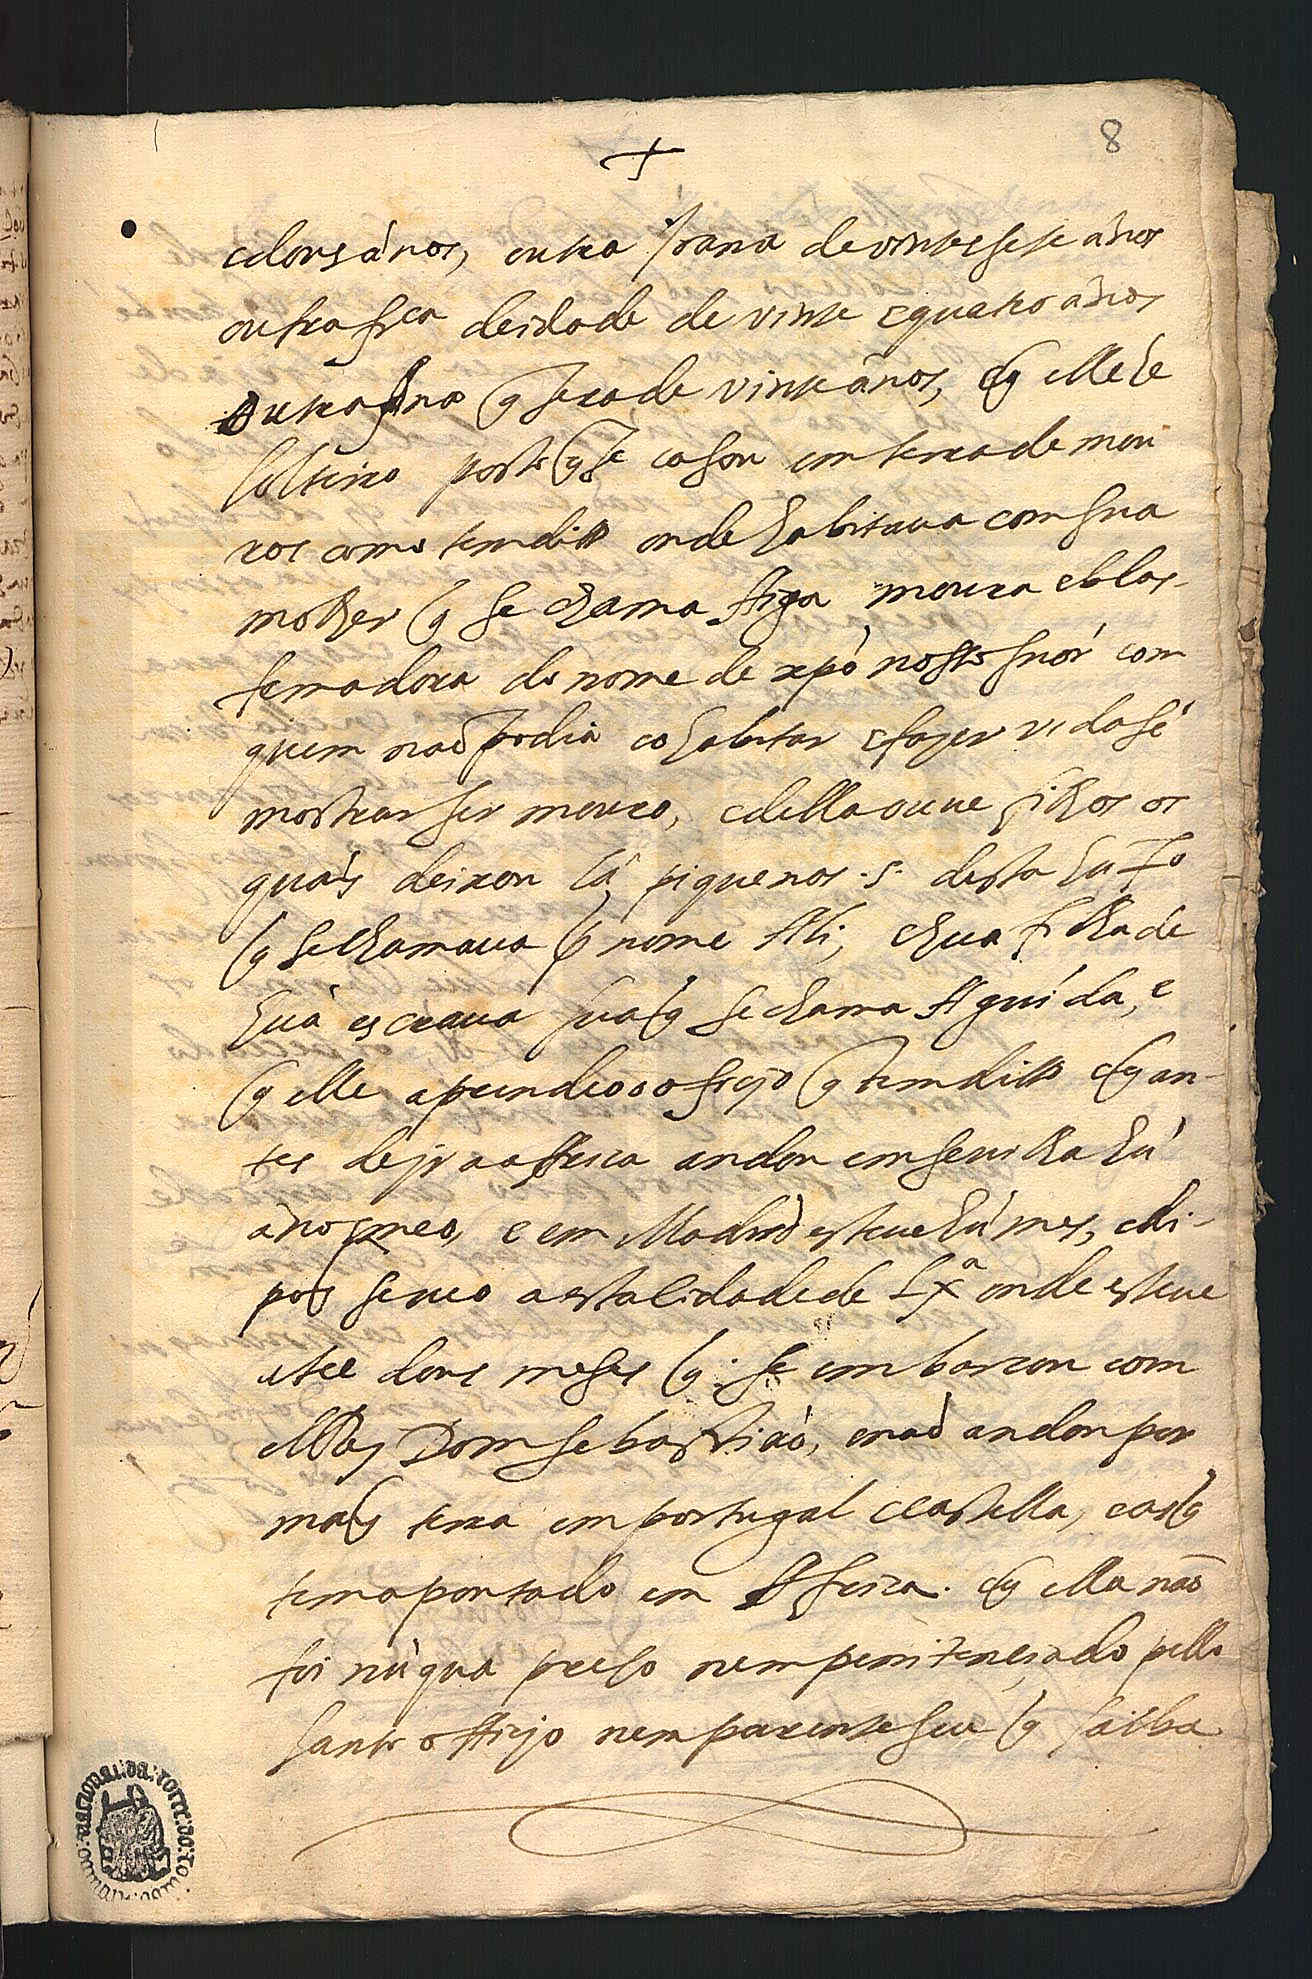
E dous ānos, outra Joana de vinte e sete ānos
outra frca de idade de vinte e quatro ānos
Outra Ana q̄ sera de vinte ānos, e q̄ elle he
solteiro posto q̄ se casou em terra de mou
ros como tem dito onde habitaua com sua
molher q̄ se chama Aiga moura e blas
femadora do nome de xpō nosso snor̄ com
quem naõ podia cohabitar e fazer vida sē
mostrar ser mouro, e della ouue filhos os
quais deixou lá piquenos .s. desta hū fo
q̄ se chamaua p̄ nome Ali, e hua filha de
huā escraua sua q̄ se chama Aguida, e
q̄ elle aprendeo o oficjo q̄ tem ditto e q̄ an
tes de jr a affrica andou em seuilha hū
ano e meo, e em Madrid esteue hū mes, e di
pos̄ se ueo a esta cidade de Lxa onde esteue
atee dous meses q̄ se embarcou com
el Rej Dom sebastiaõ, e naõ andou por
mais terra em portugal e castella, e as q̄
tem apontado em Africa. e q̄ ella naõ
foi nūqua preso nem penitenciado pello
santo officjo nem parente seu q̄ saiba
